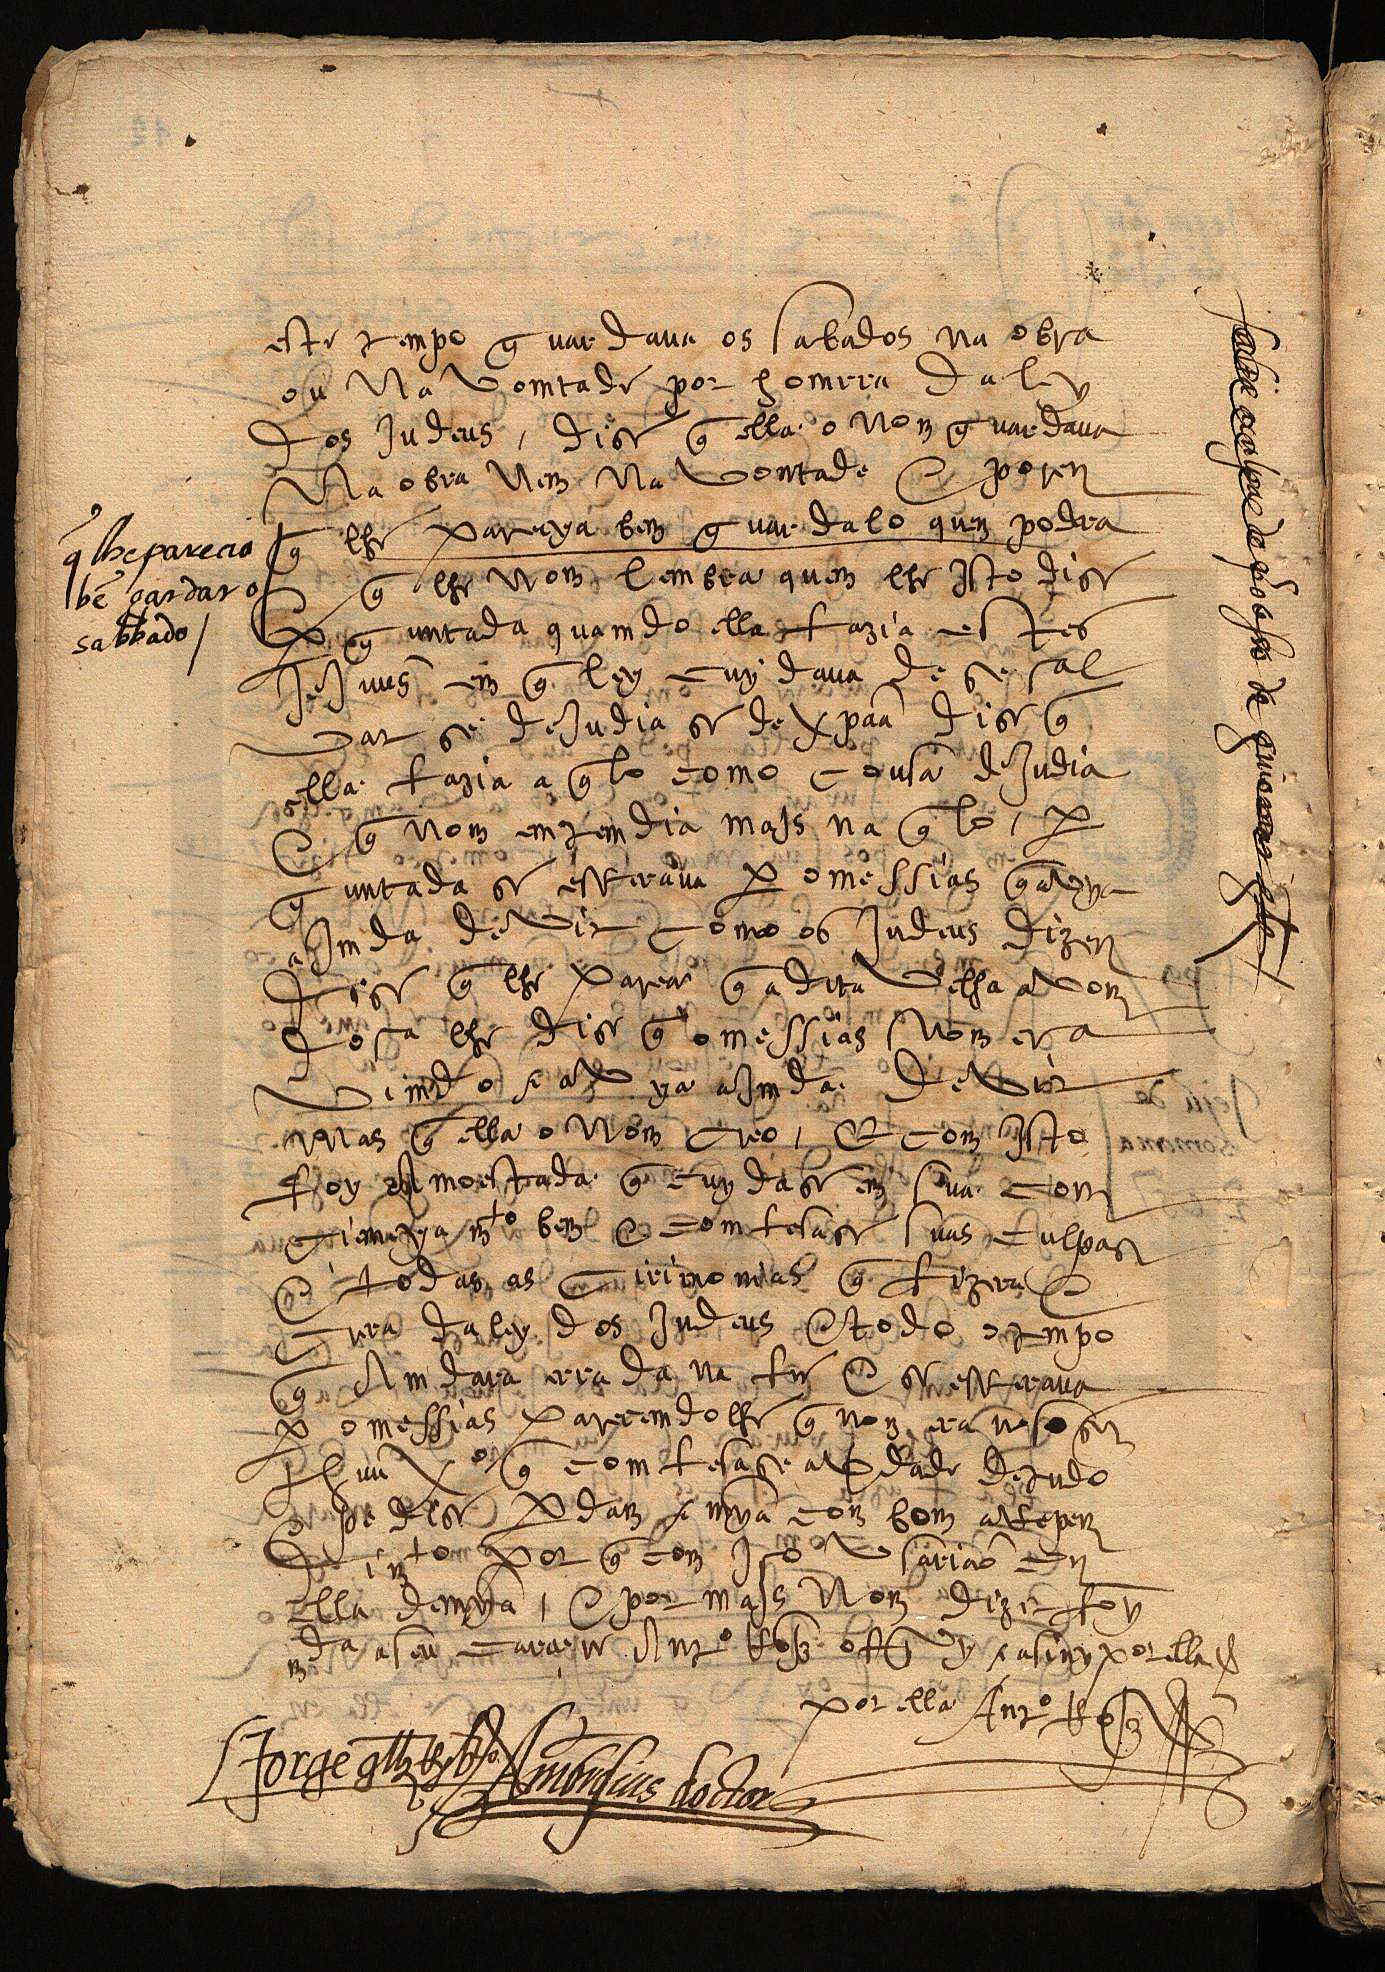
este tempo guardaua os sabados na obra
ou Na Vomtade por homrra da ley
dos Judeus / dise q̄ ella o nom guardaua
Na obra Nem Na Vontade e poren
q̄ lhe parecya bem guardalo quem podera
e q̄ lhe Nom lembra quem lhe Jsto dise
ꝑgumtada quamdo ella fazia estes
JeJuus̄ em q̄ ley cuydaua de se sal
Var se de Judia se de xpaā dise q̄
ella fazia aq̄lo como cousa de Judia
e q̄ nom emtemdia majs naq̄lo / ꝑ
guntada se esperaua ꝑ o messias q̄ avya
aJmda de vir como os Judeus dizen
dose q̄ lhe parece q̄ a dita Velha avom
dosa lhe dise q̄ o messias nom era
Vimdo e avya aJmda de vir
mas q̄ ella o Nom creo / E com Jsto
foy Amoestada q̄ cuydase em sua com
çiemcya mto bem e comfesase suas culpas
e todas as Cirimonias q̄ fizera e
crera da ley dos Judeus e todo o tempo
q̄ Amdaua errada na fee E se esperaua
ꝑ o messias parecemdo lhe q̄ nom era noso s̄or
Jhuu Xo q̄ comfesase a ꝟdade de tudo
e pedise ꝑdam e mȳa com bom aRepem
dimto por q̄ com Jso Vsariaõ con
ella de mȳa / e por maJs Nom dizer foy
mda a seu carçere Anto RōJz o stp̄vy e asiney por ella
